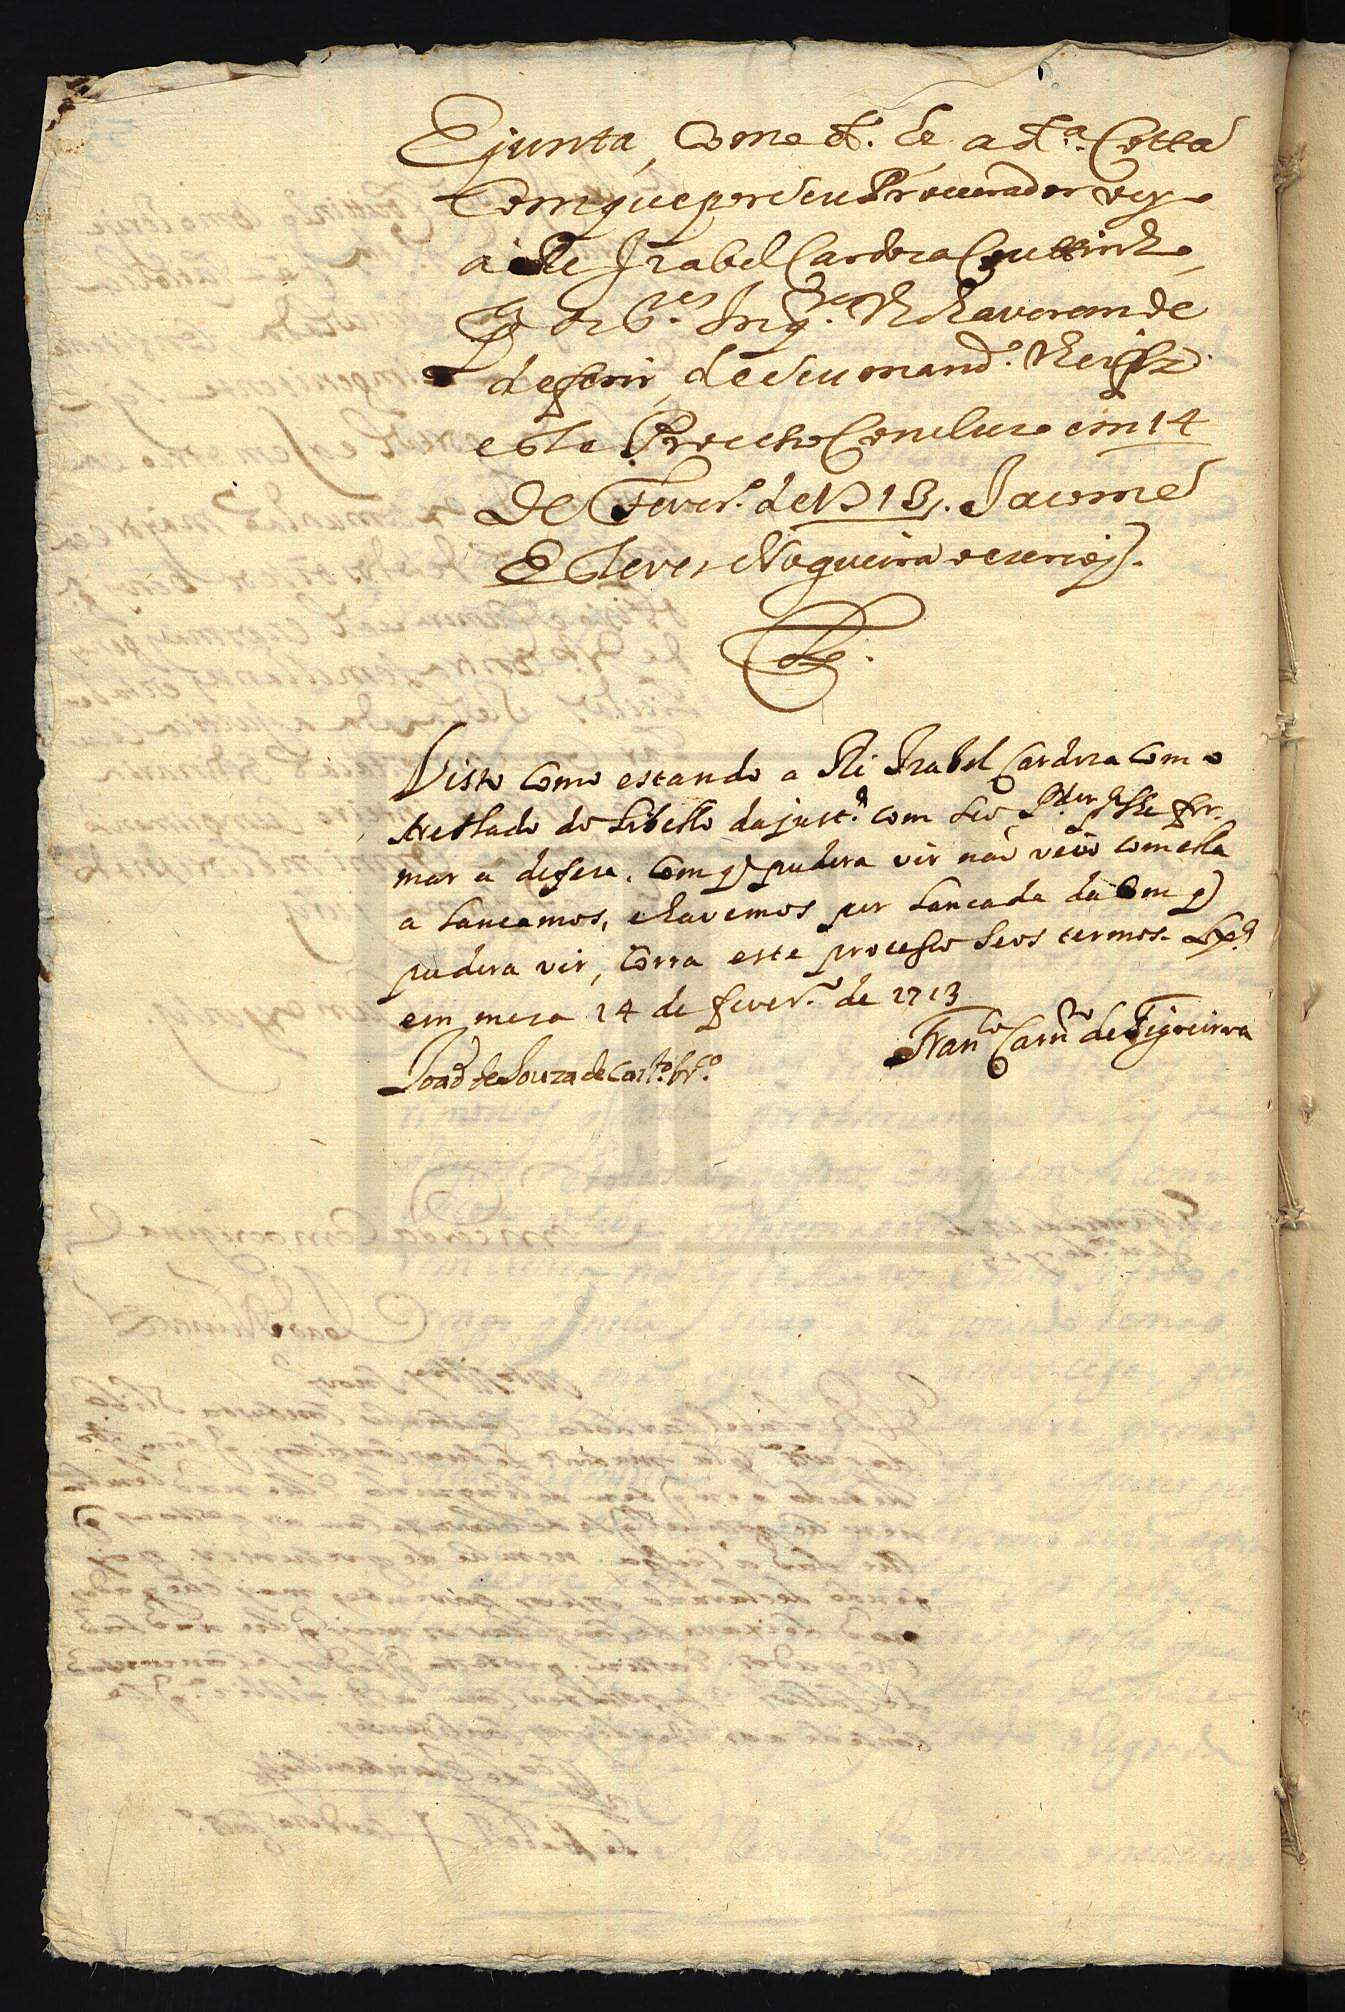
E junta, como d̄.o he a d̄t.a Cotta
com que por seu Procurador veyo
a Re Jzabel Cardoza Couttinho
p.a os s.res Inq.res lhe haverem de
deferir de seu mand.o lhe fiz
este Processo Concluzo em 14
de Fever.o de 1713. Iacome
Esteves Nogueira o escrevj.
CLo.
Visto como estando a Ré Izabel Cardoza com o
treslado do Libello da just.a com seo P.dor pa lhe for
mar a defeza, Com q̄ pudera vir, naõ veio com ella
a Lançamos, e havemos per Lançada da em q̄
pudera vir, corra este processo seos termos Lx.a
em meza 14 de fever.o de 1713
Fran.co Carn.ro de Figueiroa
Ioaõ de Souza de Cast.obr.co
